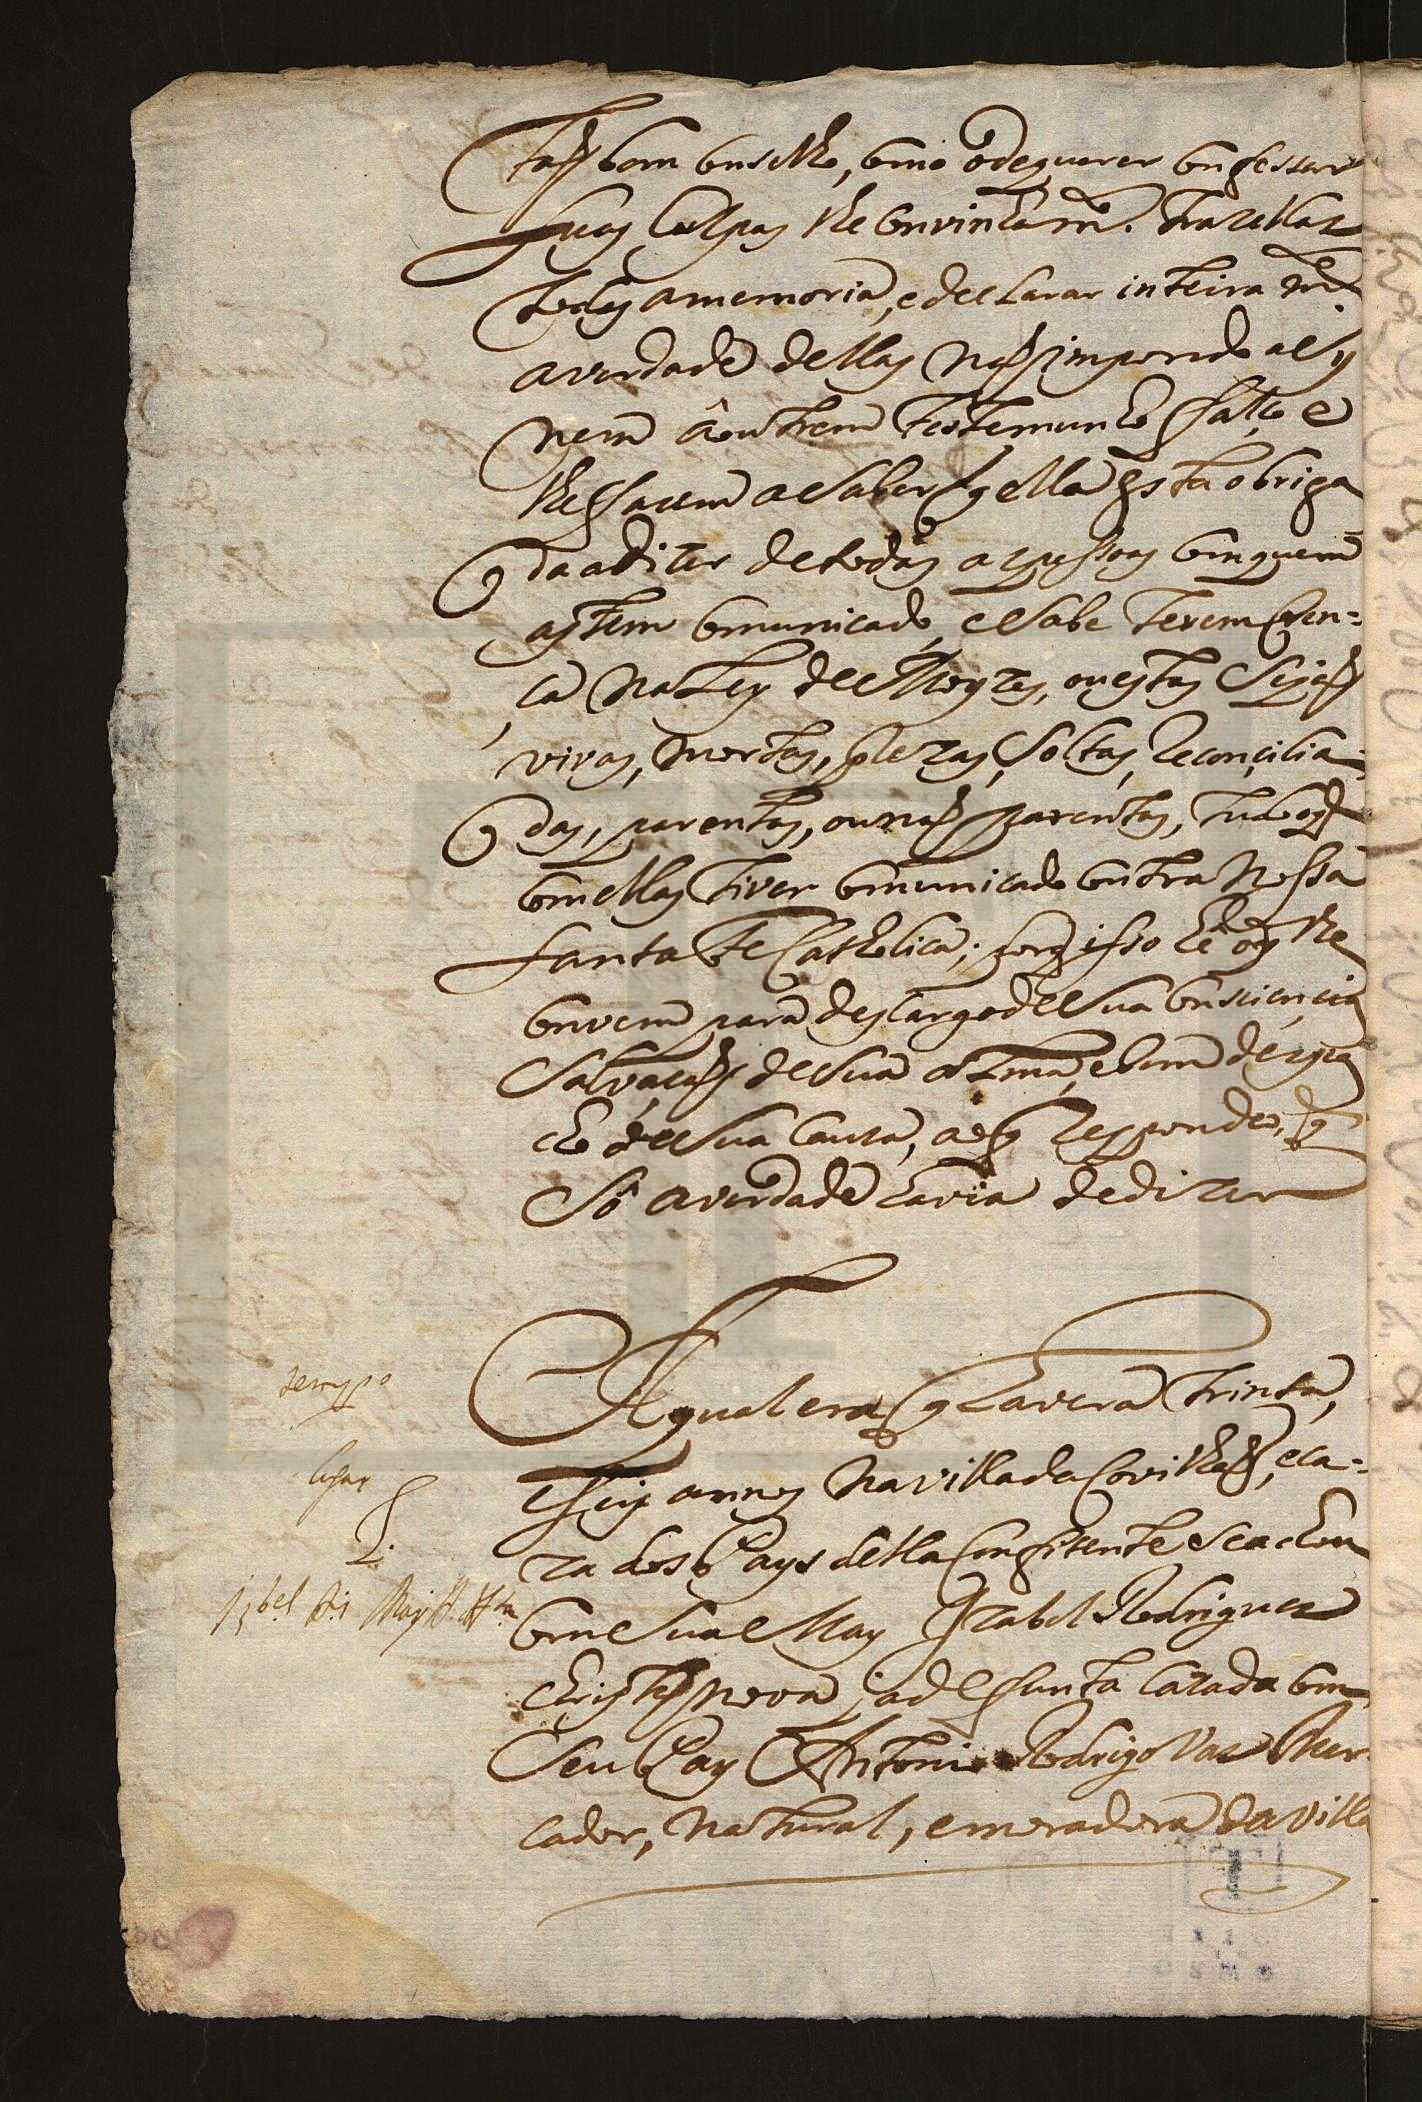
tempo
lugar
Izbel. R.s̄ May R. df.ta
taõ bom conselho, como o de querer confessar
suas Culpas lhe convinha m.to trazellaz
todas a memoria, e declarar inteiram.te
a verdade dellas naõ impondo a sy
nem â outrem testemunho falço e
lhe fazem a Saber q̄ ella esta obriga
da a dizer de todas as pessoas com quem
as tem comunicado, e Sabe terem Cren
ça na Ley de Moyzes, ou estas Sejaõ
vivas, mortas, prezas, Soltas, Reconçilia
das, parentas, ou naõ parentas, tudo o q̄
com ellas tiver comunicado contra nossa
santa Fe Catholica; porq̄ isso hê o q̄ lhe
convem para descargo de Sua consciençia
Salvaçaõ de sua alma, e bom despa
cho de Sua Cauza, ao q̄ Respondeo, q̄
Sô a verdade havia de dizer
A qual era q̄ havera trinta,
e seis annos na villa da Covilhã, e ca
za dos Pays della Confitente se achou
Com Sua May Jzabel Rodriguez
christã nova ja defunta cazada com
Seu Pay Antonio Rodrigo Vaz Mer
cador, natural, e moradora da villa
